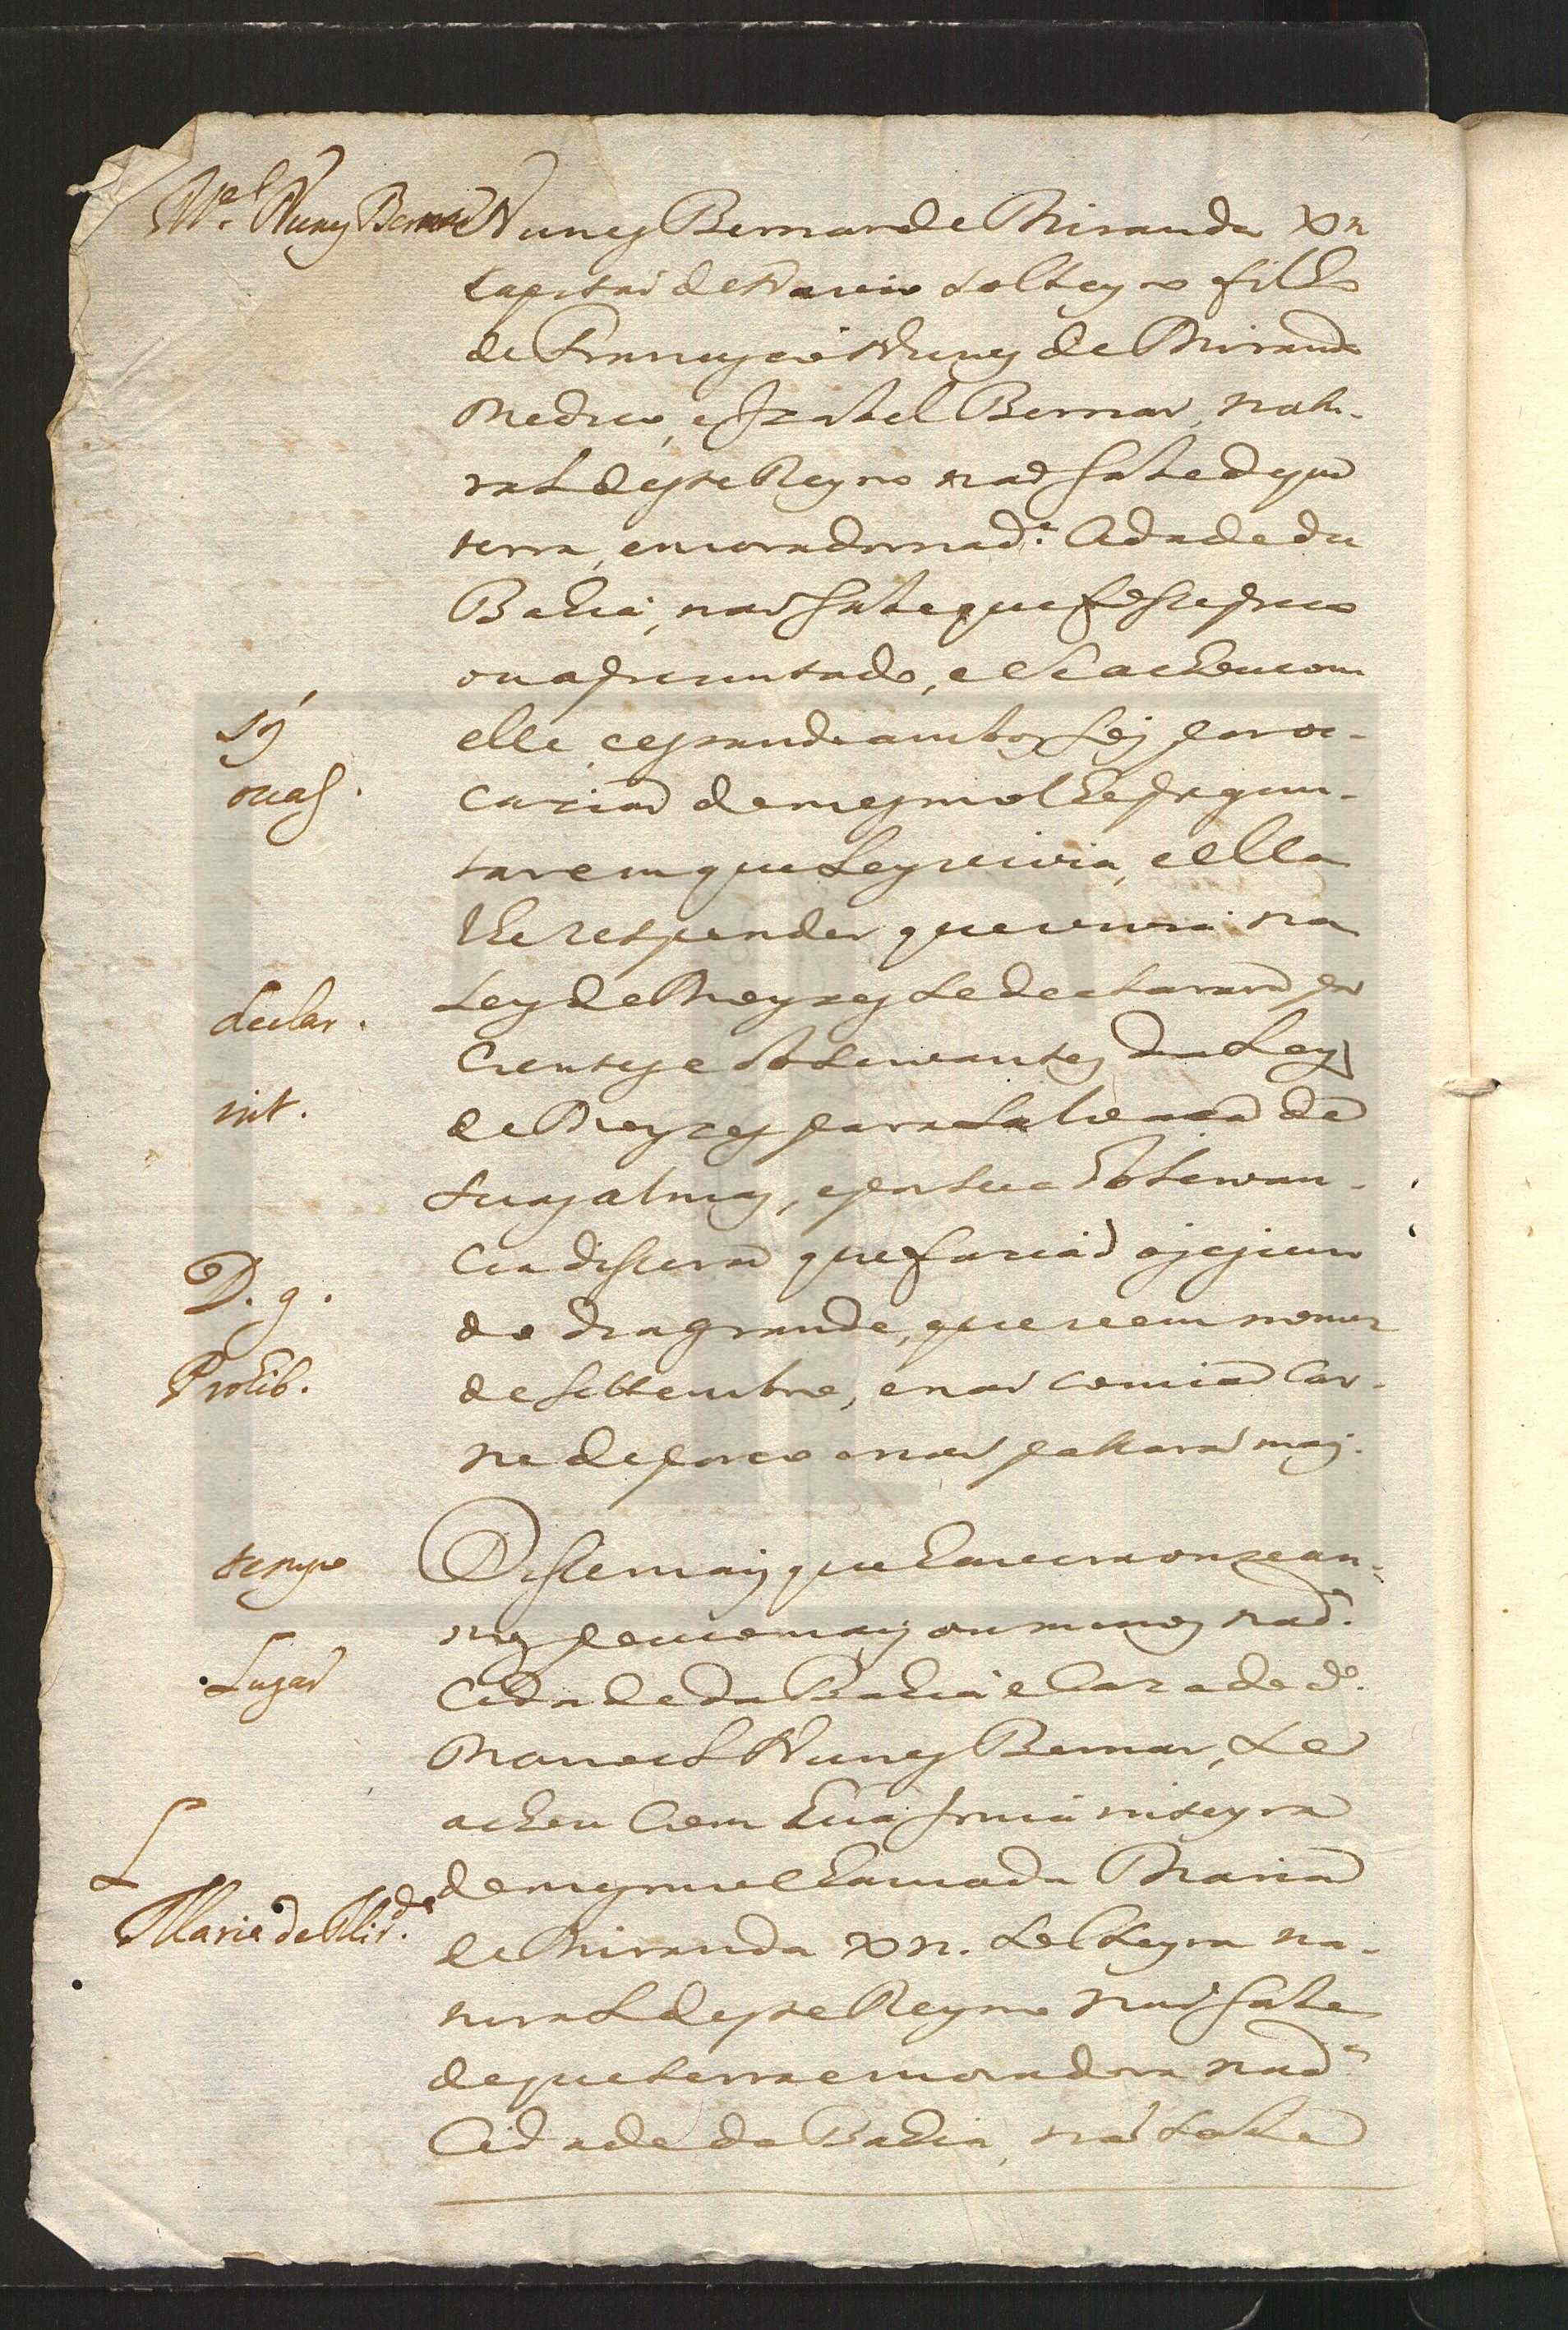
M.el Nunes Ber
Nunes Bemar de Miranda x n
capitaõ de Navio solteyro filho
de Francisco Nunes de Miranda
medico, e Jzabel Bemar, natu
ral deste Reyno naõ sabe de que
terra, e morador na d.a cidade da
Bahia, naõ sabe que fosse prezo
ou aprezentado, e se achou com
elle, e estando ambos foj por oc
19
occas.
caziaõ de mesmo lhe pregun
tar em que Ley vivia, e ella
lhe responder que vivia na
Ley de Moyzes se declararaõ por
declar.
crentes e observantes da Ley
int.
de Moyzes para salvacaõ de
suas almas, e por sua observan
cia disseraõ que faziaõ o jejum
D. g.
do dia grande, que vem no mez
de settembro, e naõ comiaõ car
Prohib.
ne de porco e naõ fallara mais
Disse mais que havera onze an
tempo
nos pouco mais ou menos na d.a
Lugar
cidade da Bahia e caza do d.o
Manoel Nunes Bemar, se
achou com hua Jrmã inteyra
L
do mesmo chamada Maria
Maria de Mir.da
de Miranda x n. solteyra na
tural deste Reyno naõ sabe
de que terra e moradora na d.a
cidade da Bahia, naõ sabe
